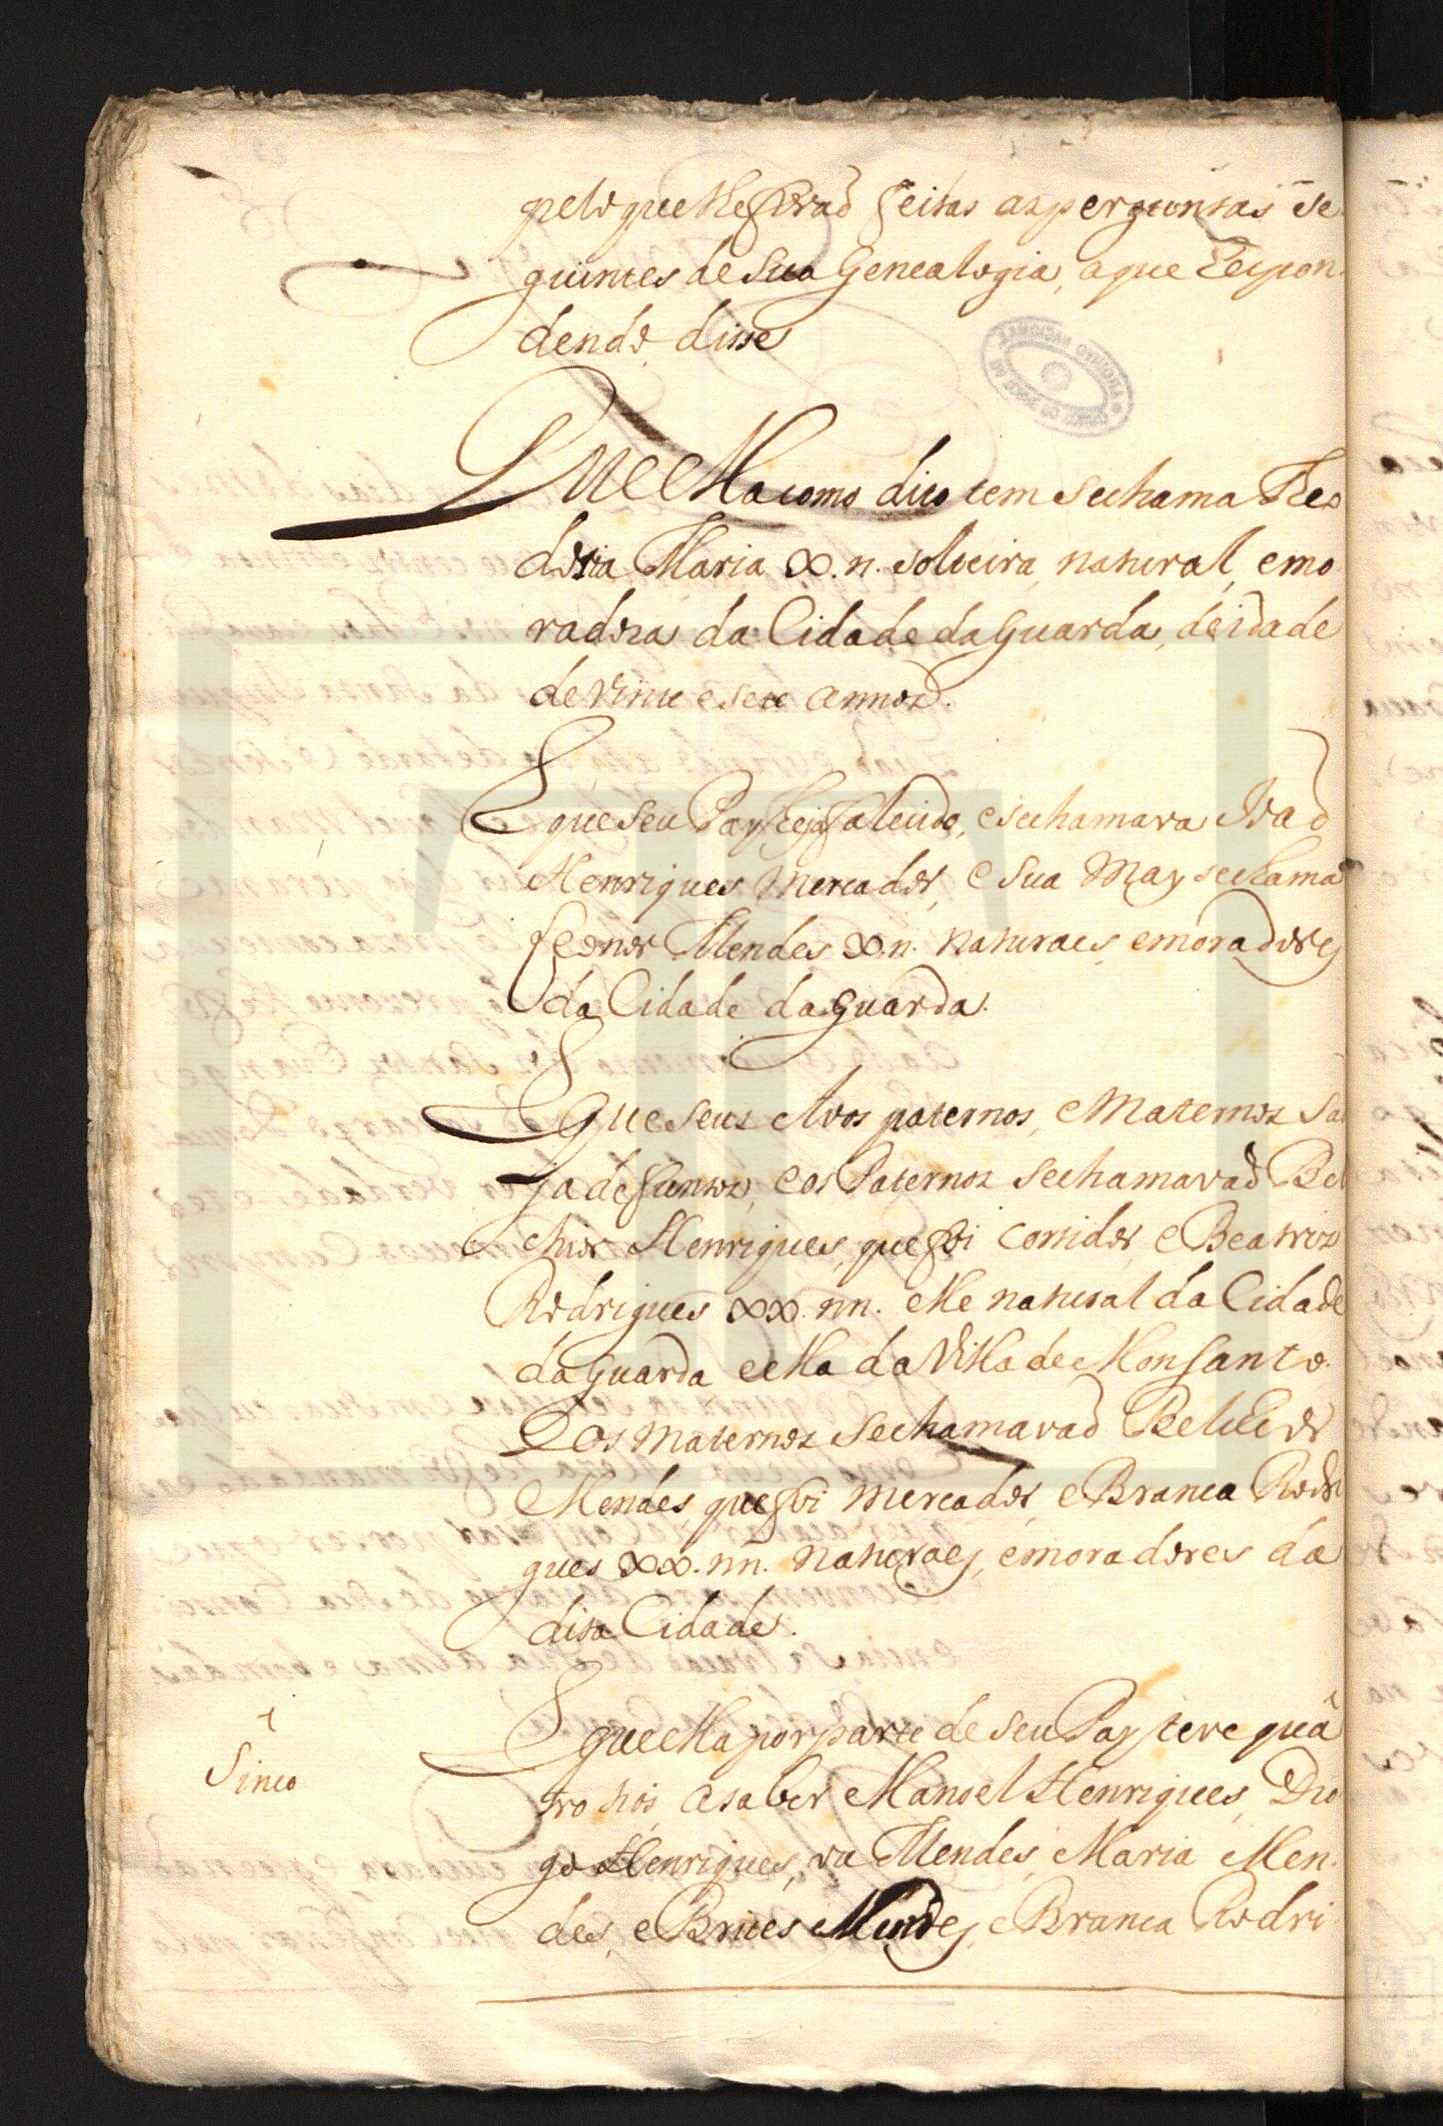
pelo que lhe foraõ feitas as perguntas se
guintes de sua Genealogia, a que Respon
dendo disse
Que ella como dito tem se chama Theo
dosia Maria x. n. solteira natural e mo
radora da Cidade da Guarda, de idade
de vinte e sete annoz.
E que seu Pay he ja falecido, e se chamava Ioaõ
Henriques mercador, e sua may se chama
Leonor Mendes x n. naturaes, e moradores
da Cidade da guarda.
E que seus Avos paternos, e maternoz sa
ja defuntoz, e os Paternoz se chamavaõ Bel
chior Henriques, que foi cortidor, e Beatriz
Rodrigues xx. nn. elle natural da Cidade
da Guarda, e ella da Villa de Monsanto
E os maternos se chamavaõ Belchior
Mendes, que foi mercador, e Branca Rodri
gues xx. nn. naturaes, e moradores da
dita Cidade.
E que ella por parte de seu Pay teve qua
Sinco
tro tios, a saber Manoel Henriques, Dio
go Henriques, va Mendes, Maria Men
des, e Brites Mendes, e Branca Rodri
